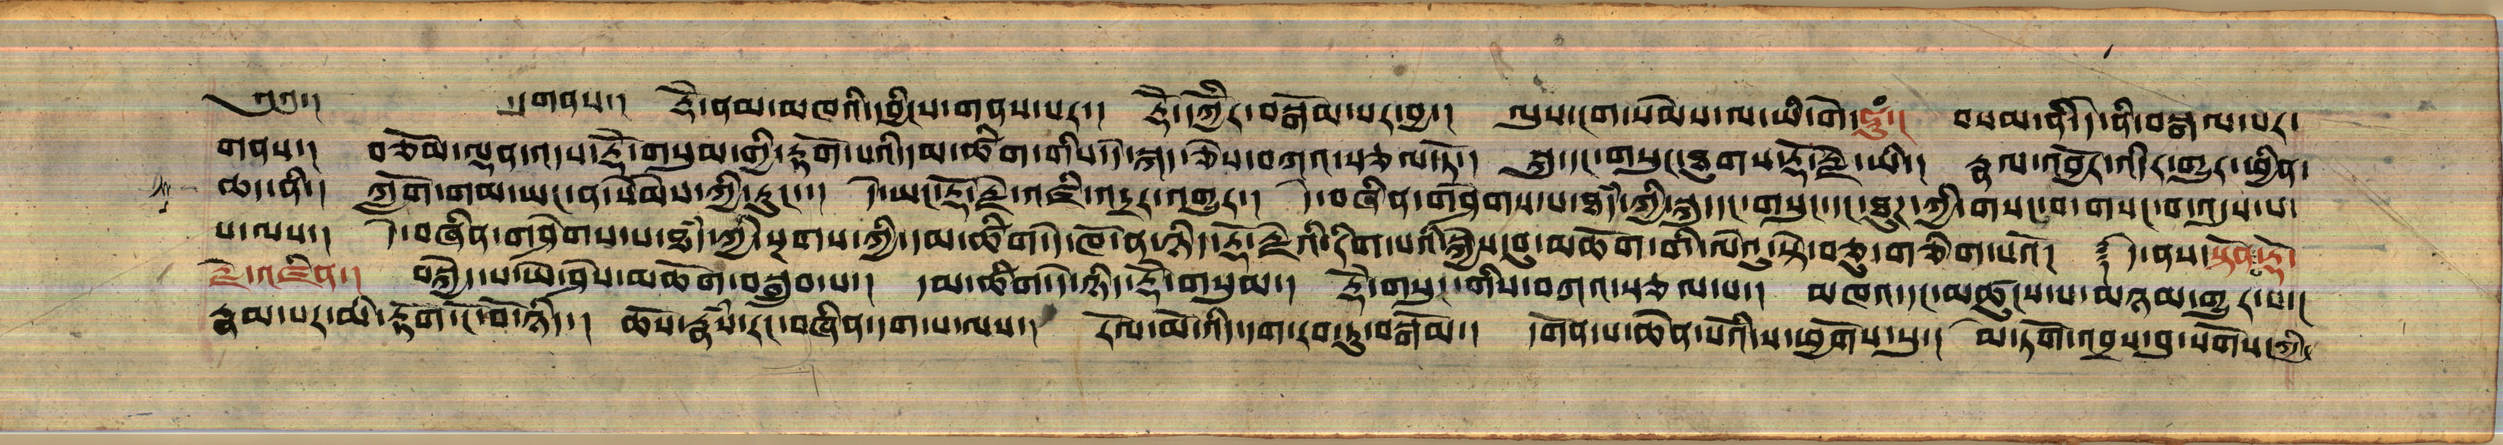༄༅་། ་།གནས་། རྡོེ་ནམ་མཁའི་དབྱིངས་གནས་པར་། རྡོེ་དཀྱིོར་བསྒོམ་པར་བྱ་། ལུས་ངག་སེམས་ལ་ཡི་གེ་ཧཱུཾ་། བསམ་ནི་དེ་ནི་བསྐལ་པར་
གནས་། བཅོམ་ལྡན་འདས་རྡོེ་གསུམ་གྱི་རྟོག་པའི་དམ་ཚིག་གིས་དེ་སྐད་ཅེས་བཀའ་སྩལ་ཏོ་། སྐུ་དང་གསུང་ཐུགས་རྡོ་རྗེ་ཡི་། རྣལ་འབྱོར་འདིར་གྱུར་ཕྱིན་
ཆད་ནི་། ཀློག་གམ་ཡང་ན་སེམས་ཀྱི་རུང་་། དེ་ཡང་རྡོ་རྗེ་འཛི་འདྲར་འགྱུར་། དེ་བཞིན་གཤེགས་པ་ཐཾད་ཀྱི་སྐུ་དང་གསུང་དང་ཐུཌ་ཀྱི་གསང་བ་གསང་བ་འདུས་པ་
པ་ལས་། དེ་བཞིན་གཤེགས་པ་ཐཾད་ཀྱི་སྔགས་ཀྱི་དམ་ཚིག་དེ་ཁོ་ན་ཉིད་རྡོ་རྗེའི་རིག་པའི་སྐྱེས་བུ་མཆོག་གི་ལེའུ་སྟེ་བཅུ་གཅིག་པའོ། ༈ དེ་ནས་སྟོན་པ་རྡོ་
རྗེ་འཛིན་། བསྐྱེད་པ་ཡེ་ཤེས་མཆོག་བསྒྲུབ་པ་། དམ་ཚིག་དེ་ཉིད་རྡོེ་གསུམ་། རྡོེ་གསུང་གིས་བཀའ་སྩལ་པ་། མཁའ་དང་མཚུངས་པ་མཉམ་གྱུར་པ་།
རྣམ་པར་མི་རྟོག་ངོ་བོ་ཉིད་། ཆོས་རྣཾས་རང་བཞིན་དག་པ་ལས་། རོལ་མོ་འདི་དག་རབ་ཏུ་བསྒོམ་། དགོན་པ་ཆེན་པོའི་ས་ཕྱོགས་སུ་། མེ་ཏོག་འབྲས་བུ་སོགས་ཀྱི་